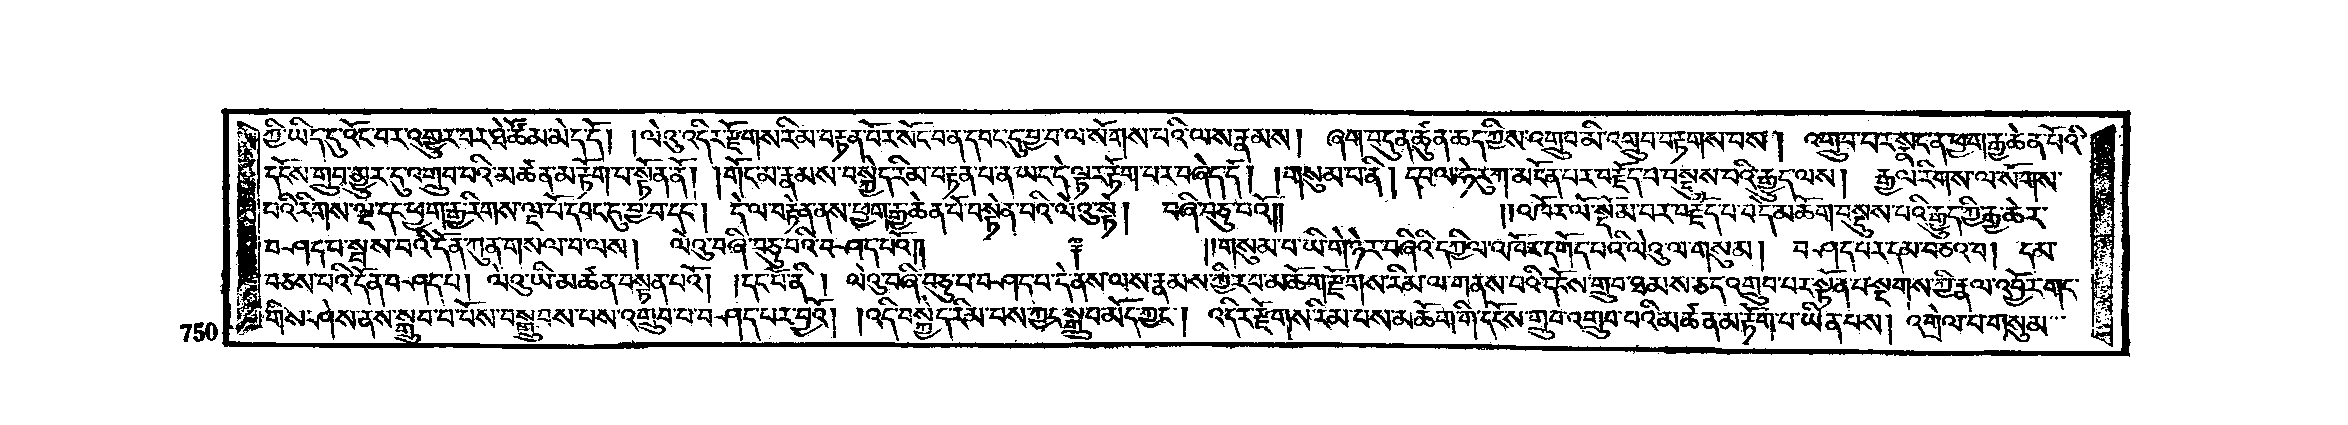ཀྱི་ཡིད་དུ་འོང་བར་འགྱུར་བར་ཐེ་ཚོམ་མེད་དོ། །ལེའུ་འདིར་རྫོགས་རིམ་བརྟན་པོར་སོང་བ་ན་དབང་དུ་བྱ་བ་ལ་སོགས་པའི་ལས་རྣམས། ཞག་བདུན་ཚུན་ཆད་ཀྱིས་འགྲུབ་མི་འགྲུབ་བརྟགས་པས། འགྲུབ་པར་སྣང་ན་ཕྱག་རྒྱ་ཆེན་པོའི་
དངོས་གྲུབ་མྱུར་དུ་འགྲུབ་པའི་མཚན་མ་རྟོག་པ་སྟོན་ནོ། །གོང་མ་རྣམས་བསྐྱེད་རིམ་བརྟན་པ་ན་ཡང་དེ་ལྟར་རྟོག་པར་བཞེད་དོ། །གསུམ་པ་ནི། དཔལ་ཧེ་རུ་ཀ་མངོན་པར་བརྗོད་པ་བསྡུས་པའི་རྒྱུད་ལས། རྒྱལ་རིགས་ལ་སོགས་
པའི་རིགས་ལྔ་དང་ཕྱག་རྒྱ་རིགས་ལྔ་པོ་དབང་དུ་བྱ་བ་དང་། དེ་ལ་བརྟེན་ནས་ཕྱག་རྒྱ་ཆེན་པོ་བསྟེན་པའི་ལེའུ་སྟེ། བཞི་བཅུ་པའོ།། །།འཁོར་ལོ་སྡོམ་པར་བརྗོད་པ་བདེ་མཆོག་བསྡུས་པའི་རྒྱུད་ཀྱི་རྒྱ་ཆེར་
བཤད་པ་སྦས་པའི་དོན་ཀུན་གསལ་བ་ལས། ལེའུ་བཞི་བཅུ་པའི་བཤད་པའོ།། ༈ །།གསུམ་པ་ཡི་གེ་ཉེར་བཞིའི་དཀྱིལ་འཁོར་དགོད་པའི་ལེའུ་ལ་གསུམ། བཤད་པར་དམ་བཅའ་བ། དམ་
བཅས་པའི་དོན་བཤད་པ། ལེའུ་ཡི་མཚན་བསྟན་པའོ། །དང་པོ་ནི། ལེའུ་བཞི་བཅུ་པ་བཤད་པ་དེ་ནས་ལས་རྣམས་ཀྱི་རབ་མཆོག་རྫོགས་རིམ་ལ་གནས་པའི་དངོས་གྲུབ་ཐམས་ཅད་འགྲུབ་པར་སྟོན་པ་སྔགས་ཀྱི་རྣལ་འབྱོར་གང་
གིས་ཤེས་ནས་སྒྲུབ་པ་པོས་བསྒྲུབས་པས་འགྲུབ་པ་བཤད་པར་བྱའོ། །འདི་བསྐྱེད་རིམ་པས་ཀྱང་སྒྲུབ་མོད་ཀྱང་། འདིར་རྫོགས་རིམ་པས་མཆོག་གི་དངོས་གྲུབ་འགྲུབ་པའི་མཚན་མ་རྟོག་པ་ཡིན་པས། འགྲེལ་པ་གསུམ་